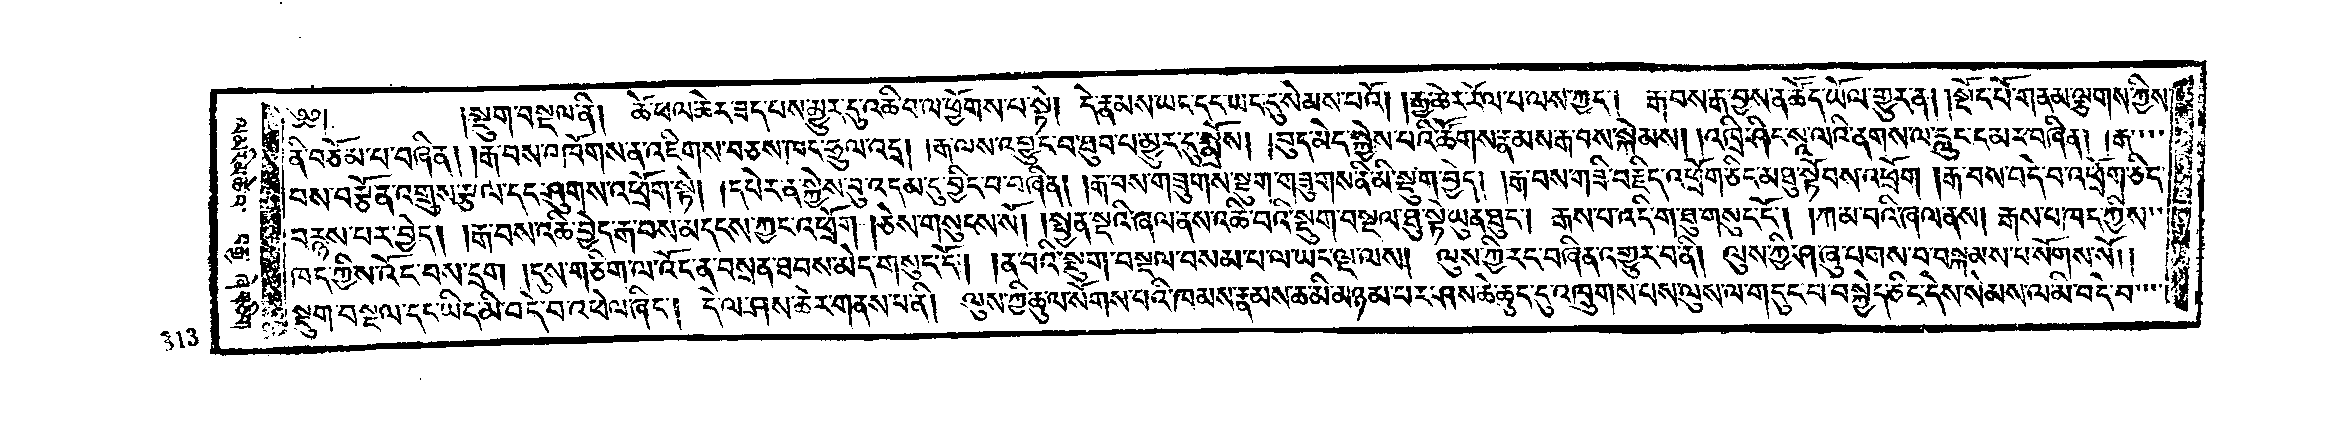༄༅། །སྡུག་བསྔལ་ནི། ཚེ་ཕལ་ཆེར་ཟད་པས་མྱུར་དུ་འཆི་བ་ལ་ཕྱོགས་པ་སྟེ། དེ་རྣམས་ཡང་དང་ཡང་དུ་སེམས་པའོ། །རྒྱ་ཆེར་རོལ་པ་ལས་ཀྱང་། རྒ་བས་རྒ་བྱས་ན་ཚོད་ཡོལ་གྱུར་ན། །སྡོང་པོ་གནམ་ལྕགས་ཀྱིས་
ནི་བཅོམ་པ་བཞིན། །རྒ་བས་འཁོགས་ན་འཇིགས་བཅས་ཁང་ཧྲུལ་འདྲ། །རྒ་ལས་འབྱུང་བ་ཐུབ་པ་མྱུར་དུ་སྨྲོས། །བུད་མེད་སྐྱེས་པའི་ཚོགས་རྣམས་རྒ་བས་སྐེམས། །འཁྲི་ཤིང་སཱ་ལའི་ནགས་ལ་རླུང་དམར་བཞིན། །རྒ་
བས་བརྩོན་འགྲུས་རྩལ་དང་ཤུགས་འཕྲོག་སྟེ། །དཔེར་ན་སྐྱེས་བུ་འདམ་དུ་བྱིང་བ་བཞིན། །རྒ་བས་གཟུགས་སྡུག་གཟུགས་ནི་མི་སྡུག་བྱེད། །རྒ་བས་གཟི་བརྗིད་འཕྲོག་ཅིང་མཐུ་སྟོབས་འཕྲོག །རྒ་བས་བདེ་བ་འཕྲོག་ཅིང་
བརྙས་པར་བྱེད། །རྒ་བས་འཆི་བྱེད་རྒ་བས་མདངས་ཀྱང་འཕྲོག །ཅེས་གསུངས་སོ། །སྤྱན་སྔའི་ཞལ་ནས་འཆི་བའི་སྡུག་བསྔལ་ཐུ་སྟེ་ཡུན་ཐུང་། རྒས་པ་འདི་ག་ཐུ་གསུང་ངོ། །ཀ་མ་བའི་ཞལ་ནས། རྒས་པ་ཁད་ཀྱིས་
ཁད་ཀྱིས་འོང་བས་དྲག །དུས་གཅིག་ལ་འོང་ན་བསྲན་ཐབས་མེད་གསུང་ངོ། །ན་བའི་སྡུག་བསྔལ་བསམ་པ་ལ་ཡང་ལྔ་ལས། ལུས་ཀྱི་རང་བཞིན་འགྱུར་བ་ནི། ལུས་ཀྱི་ཤ་ཞུ་པགས་པ་བསྐམས་པ་སོགས་སོ། །
སྡུག་བསྔལ་དང་ཡིད་མི་བདེ་བ་འཕེལ་ཞིང་། དེ་ལ་ཤས་ཆེར་གནས་པ་ནི། ལུས་ཀྱི་ཆུ་ལ་སོགས་པའི་ཁམས་རྣམས་ཆ་མི་མཉམ་པར་ཤས་ཆེ་ཆུང་དུ་འཁྲུགས་པས་ལུས་ལ་གདུང་བ་བསྐྱེད་ཅིང་དེས་སེམས་ལ་མི་བདེ་བ་